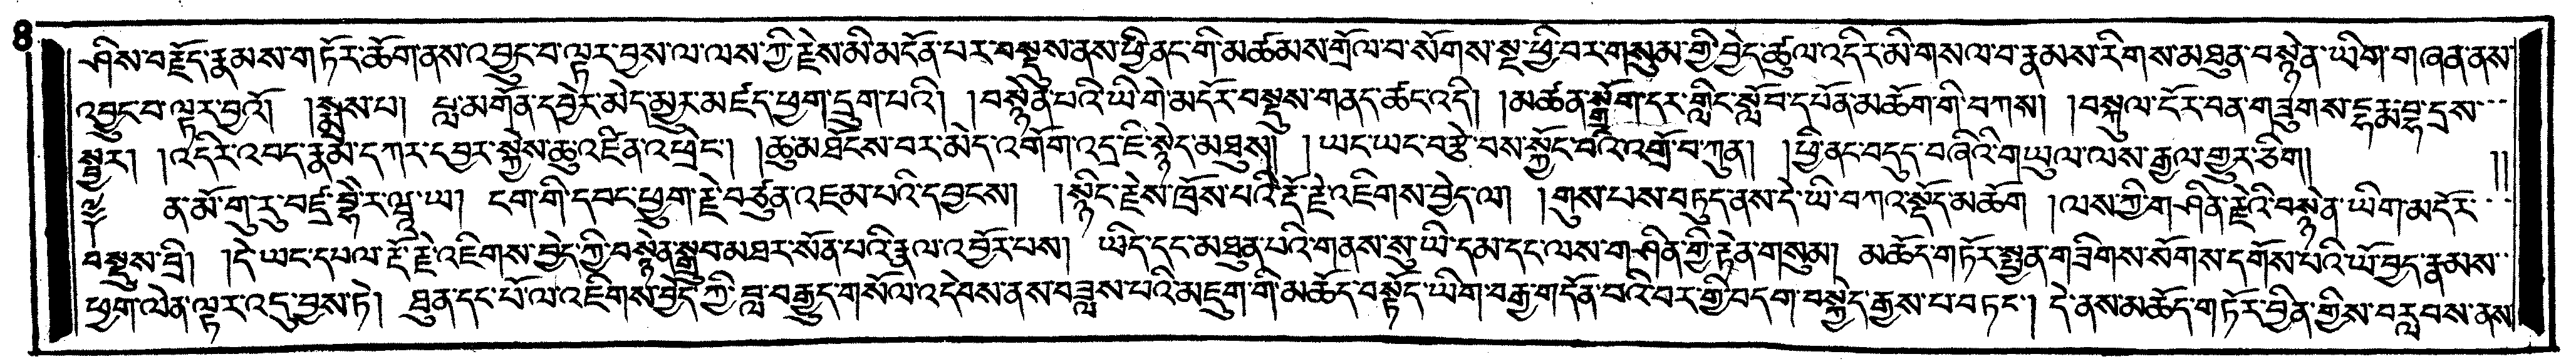ཤིས་བརྗོད་རྣམས་གཏོར་ཆོག་ནས་འབྱུང་བ་ལྟར་བྱས་ལ་ལས་ཀྱི་རྗེས་མི་མངོན་པར་བསྡུས་ནས་ཕྱི་ནང་གི་མཚམས་གྲོལ་བ་སོགས་སྔ་ཕྱི་བར་གསུམ་གྱི་བྱེད་ཚུལ་འདིར་མི་གསལ་བ་རྣམས་རིགས་མཐུན་བསྙེན་ཡིག་གཞན་ནས་
འབྱུང་བ་ལྟར་བྱའོ། །སྨྲས་པ། བླ་མགོན་དབྱེར་མེད་མྱུར་མཛད་ཕྱག་དྲུག་པའི། །བསྙེན་པའི་ཡི་གེ་མདོར་བསྡུས་གནད་ཚང་འདི། །མཚན་སྒྲོག་དར་གླིང་སློབ་དཔོན་མཆོད་གི་བཀས། །བསྐུལ་ངོར་བན་གཟུགས་དྷ་རྨ་བྷ་དྲས་
སྦྱར། །འདིར་འབད་རྣམ་དཀར་དབྱར་སྐྱེས་ཆུ་འཛིན་འཕྲིང་། །ཆུ་མཐོངས་བར་མེད་འགོག་འདྲ་ཇི་སྙེད་མཐུས། །ཡང་ཡང་བརྩེ་བས་སྐྱོང་བའི་འགྲོ་བ་ཀུན། །ཕྱི་ནང་བདུད་བཞིའི་གཡུལ་ལས་རྒྱལ་གྱུར་ཅིག ། །།
༈ ན་མོ་གུ་རུ་བྫྲ་བྷཻ་ར་ཝཱ་ཡ། ངག་གི་དབང་ཕྱུག་རྗེ་བཙུན་འཇམ་པའི་དབྱངས། །སྙིང་རྗེས་ཁྲོས་པའི་རྡོ་རྗེ་འཇིགས་བྱེད་ལ། །གུས་པས་བཏུད་ནས་དེ་ཡི་བཀའ་སྡོས་མཆོག །ལས་ཀྱི་གཤིན་རྗེའི་བསྙེན་ཡིག་མདོར་
བསྡུས་བྲི། །དེ་ཡང་དཔལ་རྡོ་རྗེ་འཇིགས་བྱེད་ཀྱི་བསྙེན་སྒྲུབ་མཐར་སོན་པའི་རྣལ་འབྱོར་པས། །ཡིད་དང་མཐུན་པའི་གནས་སུ་ཡི་དམ་དང་ལས་གཤིན་གྱི་རྟེན་གསུམ། མཆོད་གཏོར་སྤྱན་གཟིགས་སོགས་དགོས་པའི་ཡོན་བྱད་རྣམས་
ཕྱག་ལེན་ལྟར་འདུ་བྱས་ཏེ། ཐུན་དང་པོ་ལ་འཇིགས་བྱེད་ཀྱི་བླ་བརྒྱུད་གསོལ་འདེབས་ནས་བཟླས་པའི་མཇུག་གི་མཆོས་བསྟོད་ཡིག་བརྒྱ་གདོན་པའི་བར་གྱི་བདག་བསྐྱེད་རྒྱས་པ་བཏང་། དེ་ནས་མཆོག་གཏོར་བྱིན་གྱིས་བརླབས་ནས་